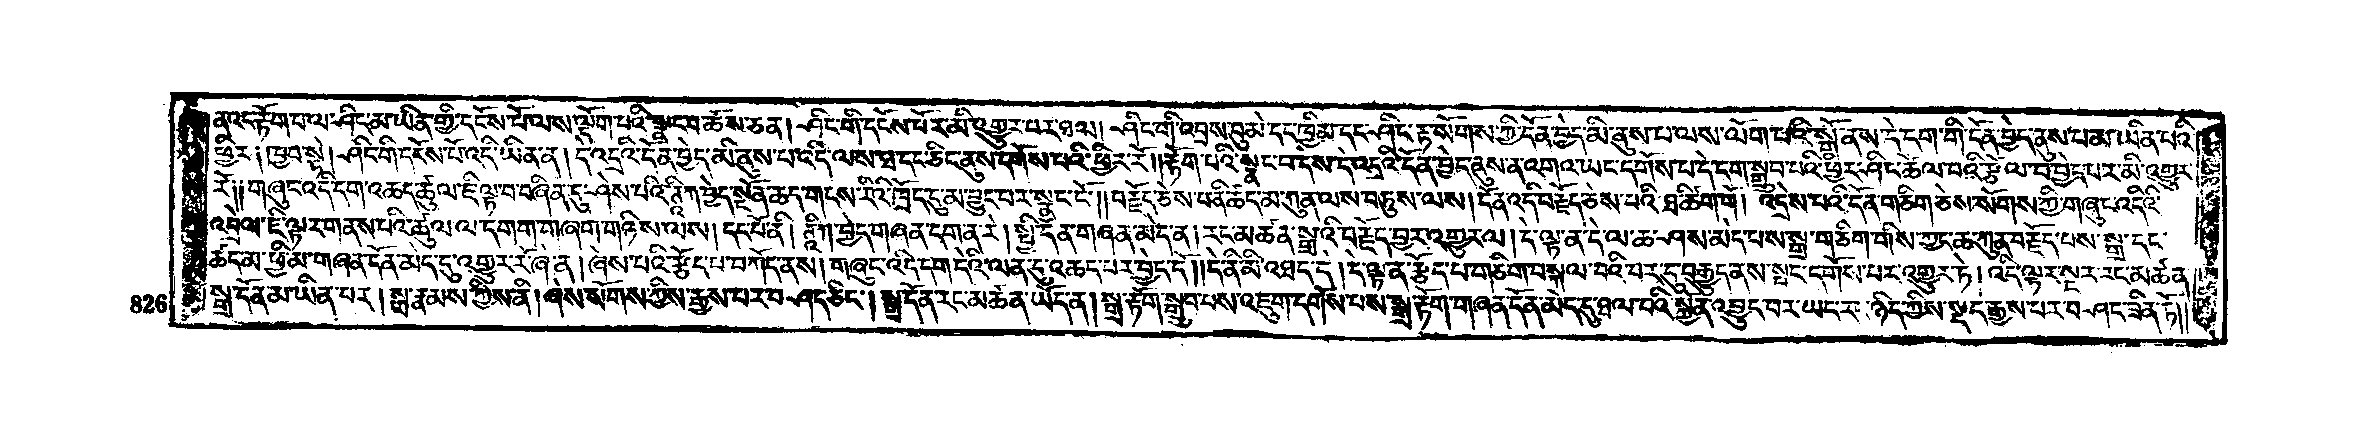ནའང་རྟོག་པ་ལ་ཤིང་མ་ཡིན་གྱི་དངོས་པོ་ལས་ལྡོག་པའི་སྣང་བ་ཆོས་ཅན། ཤིང་གི་དངོས་པོར་མི་འགྱུར་པར་ཐལ། ཤིང་གི་འབྲས་བུ་མེ་དང་ཁྱིམ་དང་ཤིང་རྟ་སོགས་ཀྱི་དོན་བྱེད་མི་ནུས་པ་ལས་ལོག་པའི་སྒོ་ནས་དེ་དག་གི་དོན་བྱེད་ནུས་པ་མ་ཡིན་པའི་
ཕྱིར། ཁྱབ་སྟེ། ཤིང་གི་དངོས་པོ་འདི་ཡིན་ན། དེ་འདྲའི་དོན་བྱེད་མི་ནུས་པ་འདི་ལས་ཐ་དད་ཅིང་ནུས་དགོས་པའི་ཕྱིར་རོ། །རྟོག་པའི་སྣང་བ་དེས་དེ་འདྲའི་དོན་བྱེད་ནུས་ན་འགའ་ཡང་དགོས་པ་དེ་དག་སྒྲུབ་པའི་ཕྱིར་ཤིང་ཚེལ་བའི་རྩོལ་བ་བྱེད་པར་མི་འགྱུར་
རོ༑ ༑གཞུང་འདི་དག་འཆད་ཚུལ་ཇི་ལྟ་བ་བཞིན་དུ་ཤེས་པའི་ཊཱིཀ་བྱེད་སྔོན་ཆད་གངས་རིའི་ཁྲོད་དུ་མ་བྱུང་བར་སྣང་ངོ། །བརྗོད་ཅེས་པ་ནི་ཚད་མ་ཀུན་ལས་བཏུས་ལས། དོན་འདི་བརྗོད་ཅེས་པའི་ཐ་ཚིག་གོ། །འདྲེས་པའི་དོན་གཅིག་ཅེས་སོགས་ཀྱི་གཞུང་འདིའི་
འབྲེལ་ཇི་ལྟར་གནས་པའི་ཚུལ་ལ་དགག་གཞག་གཉིས་ལས། དང་པོ་ནི། ཊཱིཀ་བྱེད་གཞན་དག་ན་རེ། སྤྱི་དོན་གཞན་མེད་ན། རང་མཚན་སྒྲའི་བརྗོད་བྱར་འགྱུར་ལ། དེ་ལྟ་ན་དེ་ལ་ཆ་ཤས་མེད་པས་སྒྲ་གཅིག་གིས་ཀྱང་ཆ་ཀུན་བརྗོད་པས་སྒྲ་དང་
ཚད་མ་ཕྱི་མ་གཞན་དོན་མེད་དུ་འགྱུར་རོ་ཞེ་ན། ཞེས་པའི་རྩོད་པ་བཀོད་ནས། གཞུང་འདི་དག་དེའི་ལན་དུ་འཆད་པར་བྱེད་དོ། །དེ་ནི་མི་འཐད་དེ། དེ་ལྟ་ན་རྩོད་པ་གཅིག་བསྐལ་བའི་བར་དུ་བརྒྱུད་ནས་སྤང་དགོས་པར་འགྱུར་ཏེ། འདི་ལྟར་སྔར་རང་མཚན་
སྒྲ་དོན་མ་ཡིན་པར། སྒྲ་རྣམས་ཀྱིས་ནི། ཞེས་སོགས་ཀྱིས་རྒྱས་པར་བཤད་ཅིང་། སྒྲ་དོན་རང་མཚན་ཡོད་ན། སྒྲ་རྟོག་སྒྲུབ་པས་འཇུག་དགོས་པས་སྒྲ་རྟོག་གཞན་དོན་མེད་དུ་ཐལ་བའི་སྐྱོན་འབྱུང་བར་ཡང་རང་ཉིད་ཀྱིས་སྔར་རྒྱས་པར་བཤད་ཟིན་ཏོ།